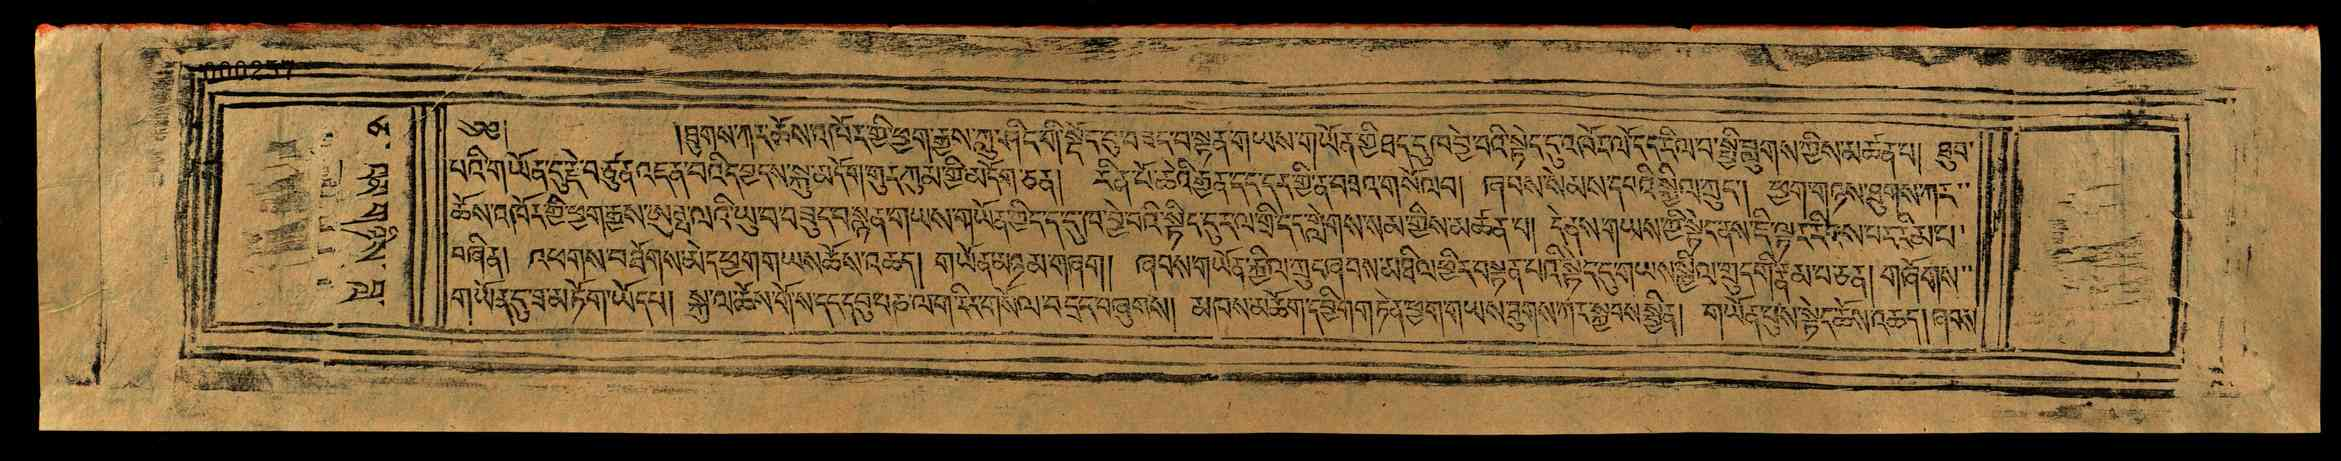༄༅། །ཐུགས་ཀར་ཆོས་འཁོར་གྱི་ཕྱག་རྒྱས་ཀླུ་ཤིང་གི་སྡོད་བུ་བཟུང་བ་སྙན་གཡས་གཡོན་གྱི་ཐད་དུ་ཁ་བྱེ་བའི་སྟེང་དུ་འཁོར་ལོ་དང་རིལ་བ་སྤྱི་བླུགས་ཀྱིས་མཚོན་པ། ཐུབ་
པའི་གཡོན་དུ་རྗེ་བཙུན་འཇམ་པའི་དབྱངས་སྐུ་མདོག་གུར་གུམ་གྱི་མདོག་ཅན། རིན་པོ་ཆེའི་རྒྱན་དང་དར་གྱི་ན་བཟའ་གསོལ་བ། ཞབས་སེམས་དཔའི་སྐྱིལ་ཀྲུང་། ཕྱག་གཉིས་ཐུགས་ཀར་
ཆོས་འཁོར་གྱི་ཕྱག་རྒྱས་ཨུཏྤ་ལའི་ཡུ་བ་བཟུང་བསྟན་གཡས་གཡོན་ཀྱི་ཐད་དུ་ཁ་བྱེ་བའི་སྟེང་དུ་རལ་གྲི་དང་གླེགས་བམ་གྱིས་མཚན་པ། དེ་ནས་གཡས་ཀྱི་སྟེང་ནས་ཇི་ལྟར་རིགས་པར་རིམ་པ་
བཞིན། འཕགས་པ་ཐོགས་མེད་ཕྱག་གཡས་ཆོས་འཆད། གཡོན་མཉམ་གཞག། ཞབས་གཡོན་སྐྱིལ་ཀྲུང་ཞབས་མཐིལ་ཕྱིར་བསྟན་པའི་སྟེང་དུ་གཡས་སྐྱིལ་ཀྲུང་གི་རྣམ་པ་ཅན། གཞོགས་
གཡོན་དུ་ཟ་མ་ཏོག་ཡོད་པ། སྐུ་ལ་ཆོས་གོས་དང་དབུ་པཎ་ལག་རིང་གསོལ་བ་དང་བཞུགས། མཁས་མཆོག་དབྱིག་གཉེན་ཕྱག་གཡས་ཐུགས་ཀར་སྐྱབས་སྦྱིན། གཡོན་པུས་སྟེང་ཆོས་འཆད། ཞབས་